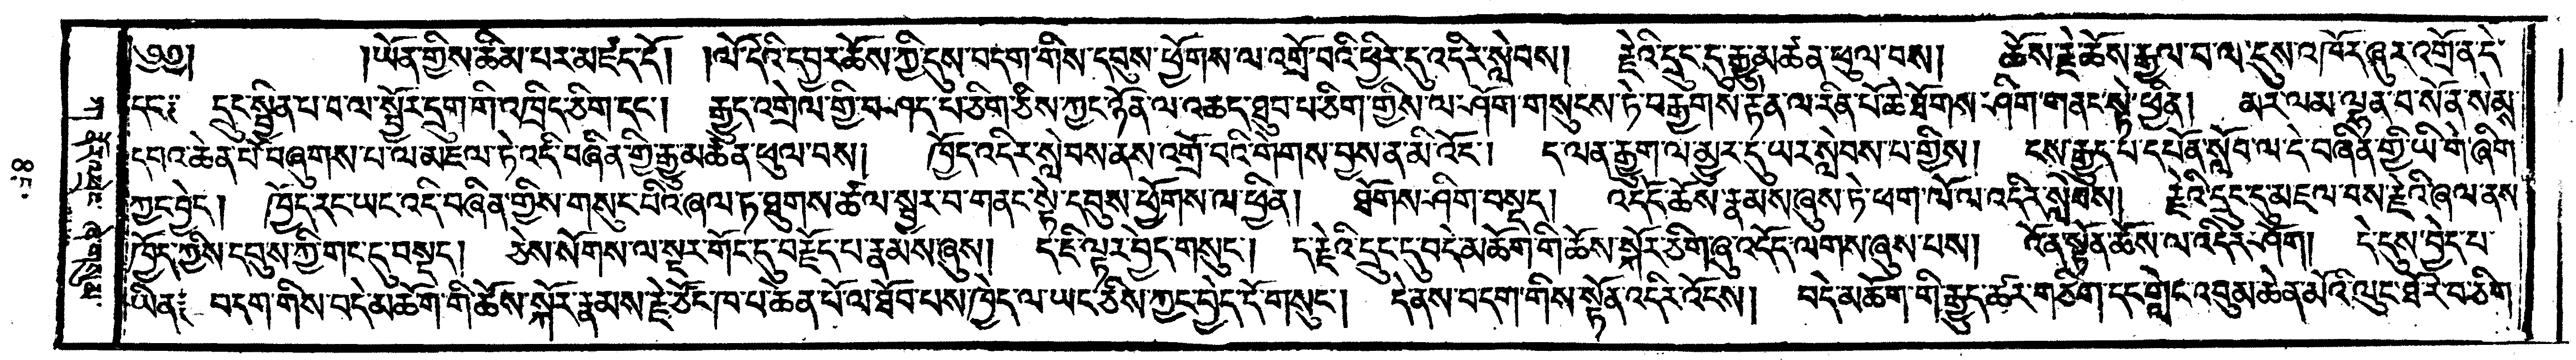༄༅། །ཡོན་གྱིས་ཚིམ་པར་མཛད་དོ། །ལོ་དེའི་དབྱར་ཆོས་ཀྱི་དུས་བདག་གིས་དབུས་ཕྱོགས་ལ་འགྲོ་བའི་ཕྱིར་དུ་འདིར་སླེབས། རྗེའི་དྲུང་དུ་རྒྱུ་མཚན་ཕུལ་བས། ཆོས་རྗེ་ཆོས་རྒྱལ་བ་ལ་དུས་འཁོར་ཞུར་འགྲོ་ན་དེ་
དང༑ དྲུང་སྦྱིན་པ་བ་ལ་སྦྱོར་དྲུག་གི་འཁྲིད་ཅིག་དང་། རྒྱུད་འགྲེལ་གྱི་བཤད་པ་ཅིག་ཅིས་ཀྱང་ཉོན་ལ་འཆད་ཐུབ་པ་ཅིག་གྱིས་ལ་ཤོག་གསུངས་ཏེ་བརྒྱགས་རྟེན་ལ་རིན་པོ་ཆེ་ཐོགས་ཤིག་གནང་སྟེ་ཕྱིན། མར་ལམ་ལྷན་བ་སོ་ན་སེམས་
དཔའ་ཆེན་པོ་བཞུགས་པ་ལ་མཇལ་ཏེ་འདི་བཞིན་གྱི་རྒྱུ་མཚན་ཕུལ་བས། ཁྱོད་འདིར་སླེབས་ནས་འགྲོ་བའི་གེགས་བྱས་ན་མི་འོང་། ད་ལན་རྒྱུག་ལ་མྱུར་དུ་ཡར་སླེབས་པ་གྱིས། ངས་རྒྱུད་པ་དཔོན་སློབ་ལ་དེ་བཞིན་གྱི་ཡི་གེ་ཞིག་
ཀྱང་བྱེད། ཁྱོད་རང་ཡང་འདི་བཞིན་གྱིས་གསུང་པའི་ཞལ་ཏ་ཐུགས་ཚལ་སྦྱར་བ་གནང་སྟེ་དབུས་ཕྱོགས་ལ་ཕྱིན། ཐོགས་ཤིག་བསྡད། འདོད་ཆོས་རྣམས་ཞུས་ཏེ་ཕག་ལོ་ལ་འདིར་སླེབས། རྗེའི་དྲུང་དུ་མཇལ་བས་རྗེའི་ཞལ་ནས་
ཁྱོད་ཀྱིས་དབུས་ཀྱི་གང་དུ་བསྡད། ཅེས་སོགས་ལ་སྔར་གོང་དུ་བརྗོད་པ་རྣམས་ཞུས། ད་ཇི་ལྟར་བྱེད་གསུང་། ད་རྗེའི་དྲུང་དུ་བདེ་མཆོག་གི་ཆོས་སྐོར་ཅིག་ཞུ་འདོད་ལགས་ཞུས་པས། འོ་ན་སྟོན་ཆོས་ལ་འདིར་ཤོག། དེ་དུས་བྱེད་པ་
ཡིན༑ བདག་གིས་བདེ་མཆོག་གི་ཆོས་སྐོར་རྣམས་རྗེ་ཙོང་ཁ་པ་ཆེན་པོ་ལ་ཐོབ་པས་ཁྱེད་ལ་ཡང་ཅིས་ཀྱང་བྱེད་དོ་གསུང་། དེ་ནས་བདག་གིས་སྟོན་འདིར་འོངས། བདེ་མཆོག་གི་རྒྱུད་ཚར་གཅིག་དང་གླེང་འབུམ་ཆེན་མོའི་ལུང་ཐོ་རེ་བ་ཅིག་